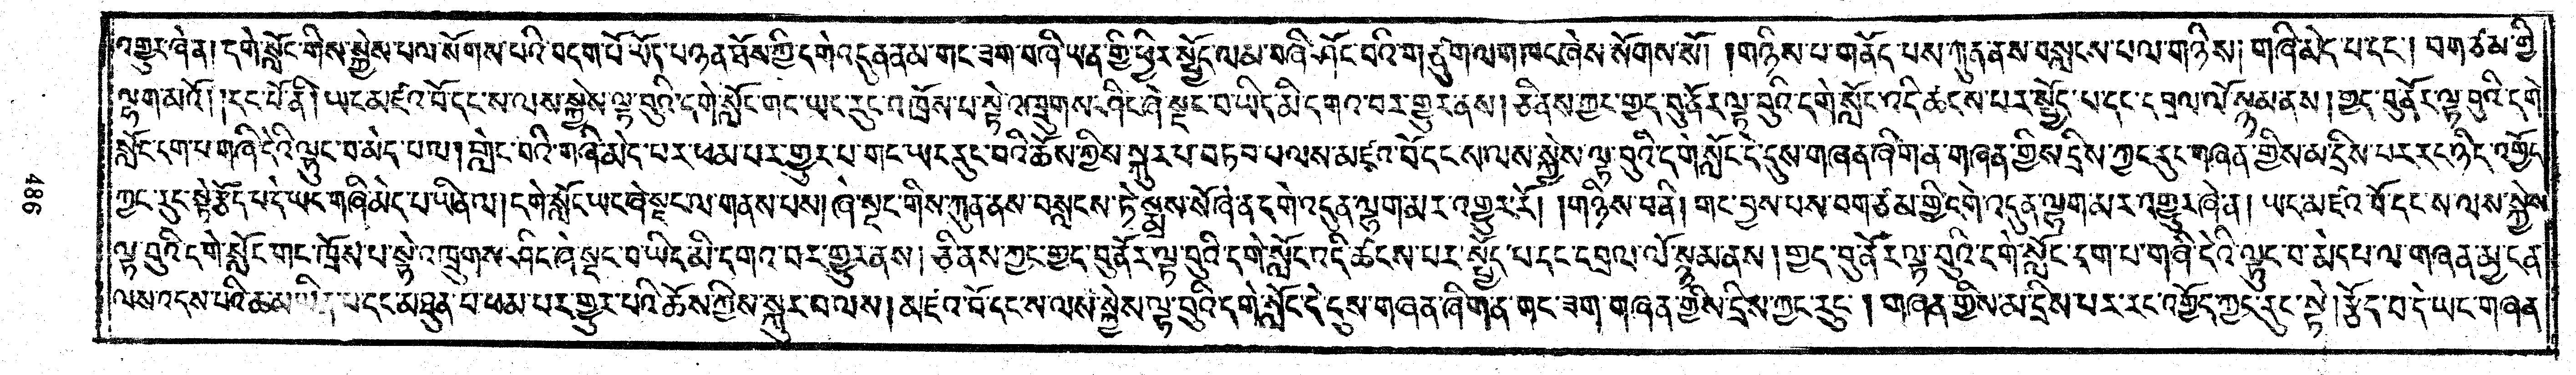འགྱུར་ཞེ་ན། དགེ་སློང་གིས་སྐྱེས་པ་ལ་སོགས་པའི་བདག་པོ་ཡོད་པ་ཉན་ཐོས་ཀྱི་དགེ་འདུན་ནམ་གང་ཟག་བཞི་ཡན་གྱི་ཕྱིར་སྤྱོད་ལམ་བཞི་ཤོང་བའི་གཙུག་ལག་ཁང་ཞེས་སོགས་སོ། །གཉིས་པ་གནོད་པས་ཀུན་ནས་བསླངས་པ་ལ་གཉིས། གཞི་མེད་པ་དང་། བག་ཙམ་གྱི་
ལྷག་མའོ། །དང་པོ་ནི། ཡང་མཛའ་བོ་དང་ས་ལས་སྐྱེས་ལྟ་བུའི་དགེ་སློང་གང་ཡང་རུང་འཁྲོས་པ་སྟེ་འཁྲུགས་ཤིང་ཞེ་སྡང་བ་ཡིད་མི་དགའ་བར་གྱུར་ནས། ཅི་ནས་ཀྱང་གྱད་བུ་ནོར་ལྟ་བུའི་དགེ་སློང་འདི་ཚངས་པར་སྤྱོད་པ་དང་དབྲལ་ལོ་སྙམ་ནས། གྱད་བུ་ནོར་ལྟ་བུའི་དགེ་
སློང་དག་པ་གཞི་དེའི་ལྟུང་བ་མེད་པ་ལ། གླེང་བའི་གཞི་མེད་པར་ཕམ་པར་གྱུར་པ་གང་ཡང་རུང་བའི་ཆོས་ཀྱིས་སྐུར་བ་བཏབ་པ་ལས་མཛའ་བོ་དང་ས་ལས་སྐྱེས་ལྟ་བུའི་དགེ་སློང་དེ་དུས་གཞན་ཞིག་ན་གཞན་གྱིས་དྲིས་ཀྱང་རུང་གཞན་གྱིས་མ་དྲིས་པར་རང་ཉིད་འགྱོད་
ཀྱང་རུང་སྟེ་རྩོད་པ་དེ་ཡང་གཞི་མེད་པ་ཡིན་ལ། དགེ་སློང་ཡང་ཞེ་སྡང་ལ་གནས་པས། ཞེ་སྡང་གིས་ཀུན་ནས་བསླངས་ཏེ་སྨྲས་སོ་ཞེ་ན་དགེ་འདུན་ལྷག་མར་འགྱུར་རོ། །གཉིས་པ་ནི། གང་བྱས་པས་བག་ཙམ་གྱི་དགེ་འདུན་ལྷག་མར་འགྱུར་ཞེ་ན། ཡང་མཛའ་བོ་དང་ས་ལས་སྐྱེས་
ལྟ་བུའི་དགེ་སློང་གང་ཁྲོས་པ་སྟེ་འཁྲུགས་ཤིང་ཞེ་སྡང་བ་ཡིད་མི་དགའ་བར་གྱུར་ནས། ཅི་ནས་ཀྱང་གྱད་བུ་ནོར་ལྟ་བུའི་དགེ་སློང་འདི་ཚངས་པར་སྤྱོད་པ་དང་དབྲལ་ལོ་སྙམ་ནས། གྱད་བུ་ནོར་ལྟ་བུའི་དགེ་སློང་དག་པ་གཞི་དེའི་ལྟུང་བ་མེད་པ་ལ་གཞན་མྱ་ངན་
ལས་འདས་པའི་ཆ་མ་ཡིན་པ་དང་མཐུན་པ་ཕམ་པར་འགྱུར་པའི་ཆོས་ཀྱིས་སྐུར་བ་ལས། མཛའ་བོ་དང་ས་ལས་སྐྱེས་ལྟ་བུའི་དགེ་སློང་དེ་དུས་གཞན་ཞིག་ན་གང་ཟག་གཞན་གྱིས་དྲིས་ཀྱང་རུང་། གཞན་གྱིས་མ་དྲིས་པར་རང་འགྱོད་ཀྱང་རུང་སྟེ། རྩོད་པ་དེ་ཡང་གཞན་